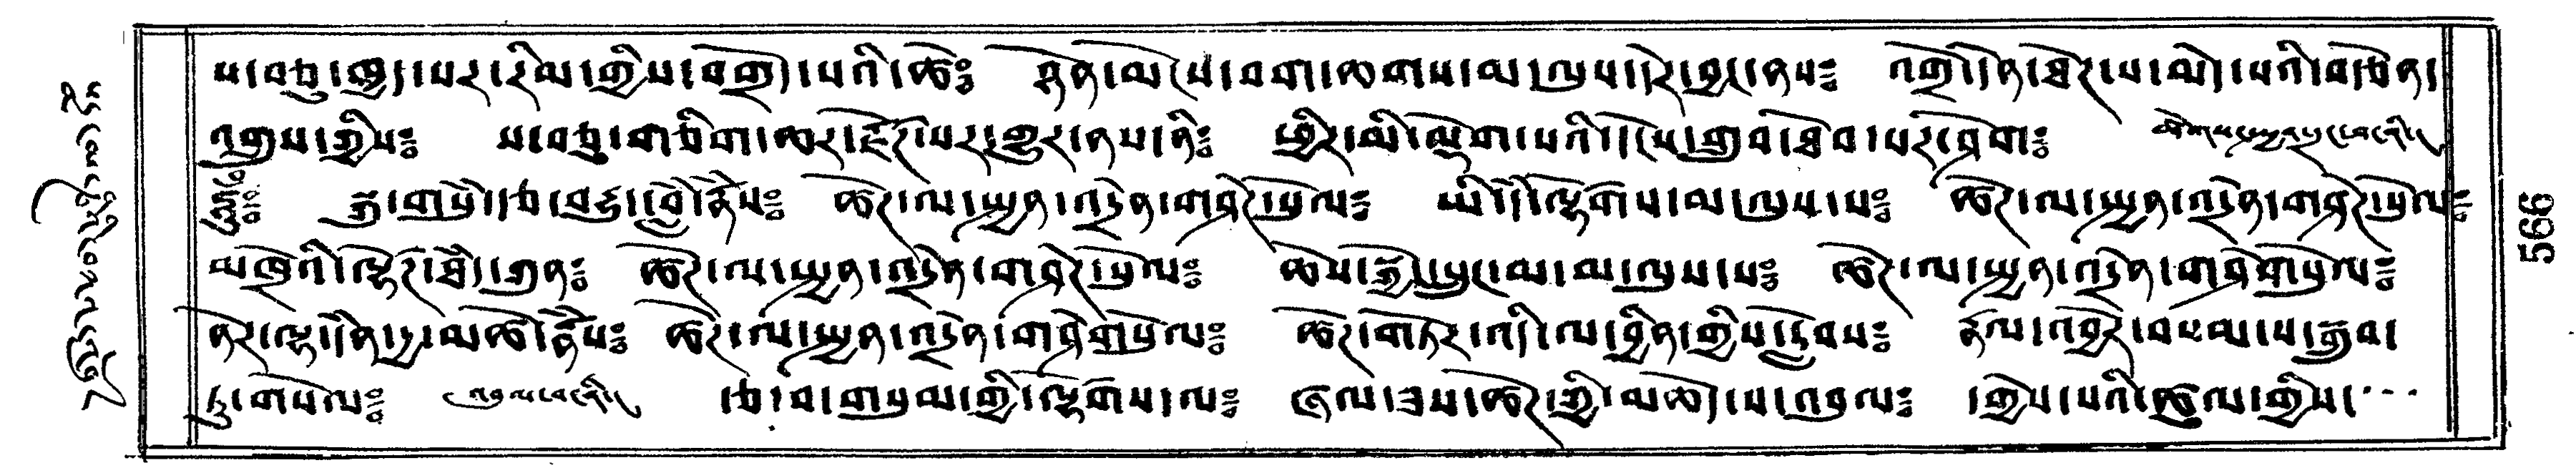ས་བཅུ་ཁྱད་པར་རིམ་གྱིས་བགྲོད་པའི་ཚེ༔ ཉོན་མོངས་བག་ཆགས་མ་ལུས་དེར་བྱང་ནས༔ འགྲོ་དོན་ཐོགས་པ་མེད་པའི་བརྩོན་
འགྲུས་ཀྱིས༔ ས་བཅུ་གཅིག་ཆར་རྫོགས་པར་གྱུར་ནས་ནི༔ ཕྱིར་མི་ལྡོག་པའི་དངོས་གྲུབ་ཐོབ་པར་ཤོག༔ ཚོགས་སྤྱན་དྲང་བ་ནི། 
ཧཱུྃ༔ སྐུ་གསུམ་རྩ་བརྒྱུད་བླ་མ་རྣམས༔ ཚོགས་ལ་སྤྱན་འདྲེན་གཤེགས་སུ་གསོལ༔ ཡི་དམ་ལྷ་ཚོགས་མ་ལུས་པ༔ ཚོགས་ལ་སྤྱན་འདྲེན་གཤེགས་སུ་གསོལ༔ 
མཁའ་འགྲཽའི་ལྷ་ཚོགས་ཐམས་ཅད་ཀུན༔ ཚོགས་ལ་སྤྱན་འདྲེན་གཤེགས་སུ་གསོལ༔ ཆོས་སྐྱོང་སྲུང་མ་མ་ལུས་པ༔ ཚོགས་ལ་སྤྱན་འདྲེན་གཤེགས་སུ་གསོལ༔ 
ནོར་ལྷ་དམ་ཅན་རྒྱ་མཚོ་རྣམས༔ ཚོགས་ལ་སྤྱན་འདྲེན་གཤེགས་སུ་གསོལ༔ ཚོགས་གཏོར་འདི་ལ་བྱིན་གྱིས་རློབས༔ རྣལ་འབྱོར་བསམ་པ་སྒྲུབ་
ཏུ་གསོལ༔ འབུལ་བ་ནི། རྩ་བ་གསུམ་གྱི་ལྷ་ཚོགས་ལ༔ ཞལ་ཟས་ཚོགས་ཀྱི་མཆོད་པ་འབུལ༔ དགྱེས་པའི་ཚུལ་གྱིས་